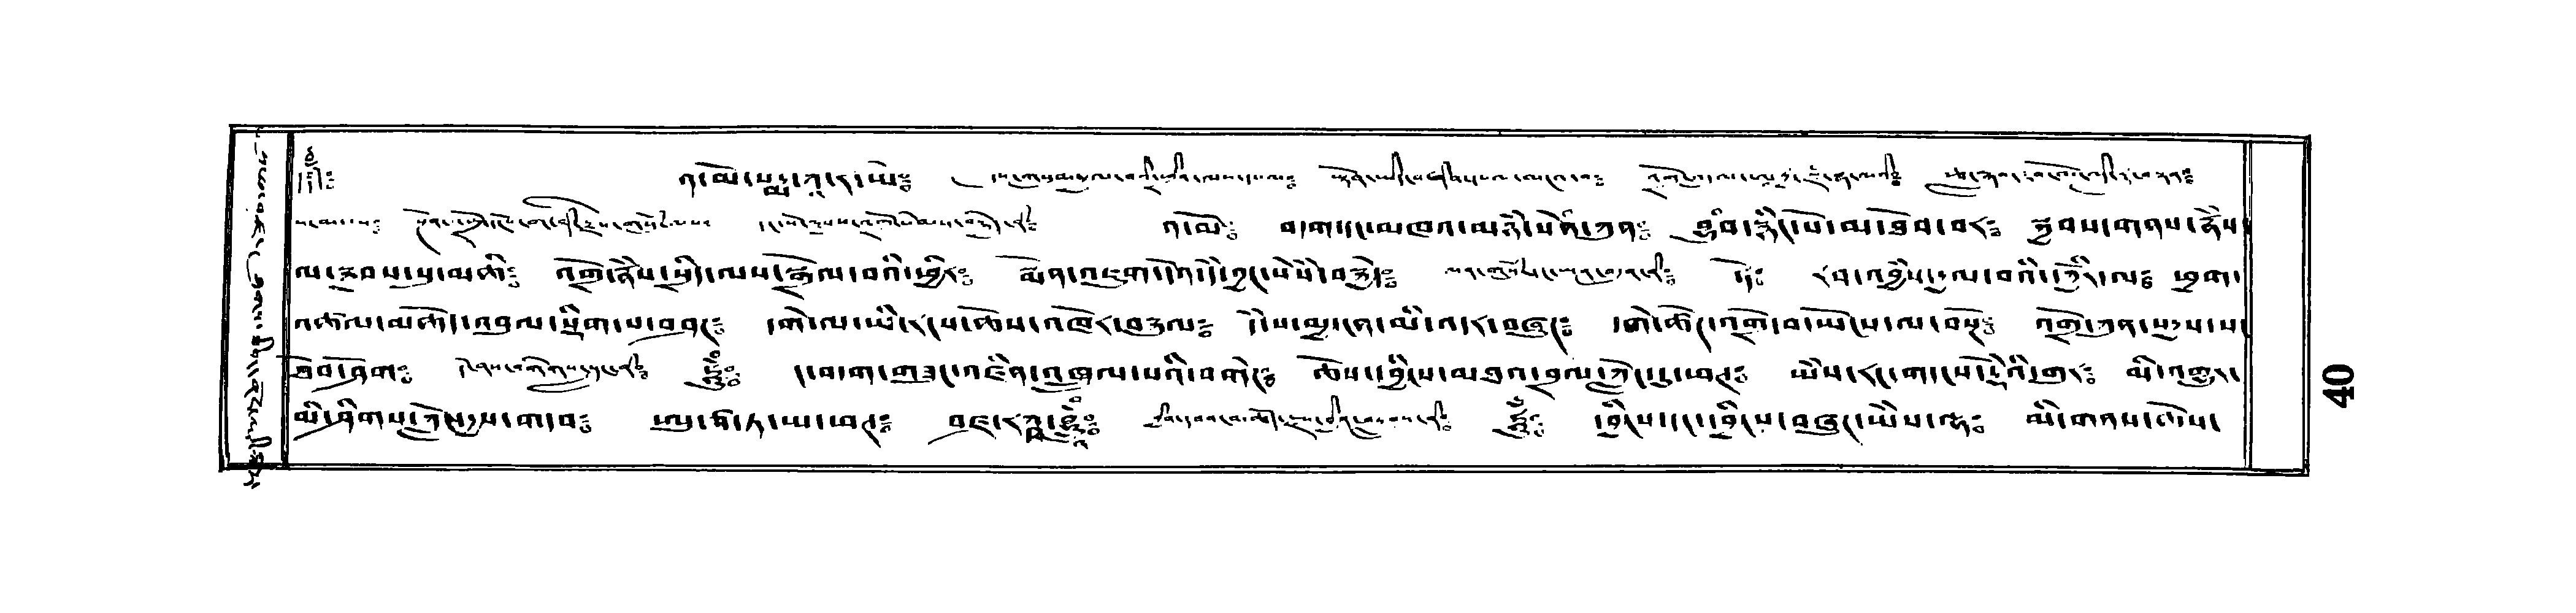ན་མོ་པདྨ་ཀཱ་ར་ཡེ༔ དུས་གསུམ་རྒྱལ་བའི་ཕྲིན་ལས་དཔལ༔ ཡོན་ཏན་ཡིད་བཞིན་དཔལ་མངའ་བ༔ འགྲོ་འདུལ་ཨཱརྻ་ཛམ་བྷ་ལའི༔ རྩ་སྒྲུབ་ཟབ་མོ་འདི་རུ་བསྟན༔ 
ས་མ་ཡ༔ སྔོན་འགྲོ་དངོས་གཞི་རྗེས་གསུམ་ལས༔ དང་པོ་སྐབས་འགྲོ་སེམས་བསྐྱེད་ནི༔ ན་མོ༔ བདག་དང་མཁའ་མཉམ་སེམས་ཅན་ཀུན༔ བྱང་ཆུབ་སྙིང་པོ་མ་ཐོབ་བར༔ སྐྱབས་གནས་རྣམས་
ལ་སྐྱབས་སུ་མཆི༔ འགྲོ་རྣམས་སྲིད་ལས་སྒྲོལ་བའི་ཕྱིར༔ སྨོན་འཇུག་དོན་དམ་བྱང་སེམས་བསྐྱེད༔ ལན་གསུམ་དང་ཡན་བདུན་ནི༔ ཧོ༔ རབ་འབྱམས་རྒྱལ་བའི་དཀྱིལ་འཁོར་ལ༔ ཕྱག་
འཚལ་མཆོད་འབུལ་སྡིག་པ་བཤགས༔ དགེ་ལ་ཡི་རངས་ཆོས་འཁོར་བསྐུལ༔ དམ་པ་མྱ་ངན་མི་འདར་བཞུགས༔ དགེ་ཚོགས་འགྲོ་བ་ཡོངས་ལ་བསྔོ༔ འགྲོ་ཀུན་སངས་རྒྱས་པ་
ཐོབ་ཤོག༔ དེ་ནས་བགེགས་སྲུང་ནི༔ ཧཱུྃ༔ ང་བདག་གཟུང་འཛིན་འཁྲུལ་པའི་བགེགས༔ ཆོས་དབྱིངས་མཐའ་བྲལ་ཀློང་དུ་ཕཊཿ ཡེ་ཤེས་རང་གདངས་རྡོ་རྗེའི་གུར༔ མི་འགྱུར་
མི་ཤིགས་ཀློང་རྒྱས་གདབ༔ ཨུ་ཙ་ཏ་ཡ་ཕཊ༔ བཛྲ་རཀྵ་བྷྲུྃ༔ བྱིན་དབབ་མཆོད་རྫས་བྱིན་བརླབ་ནི༔ ཧཱུྃ༔ དབྱིངས་དང་དབྱིངས་བཞུགས་ཡེ་ཤེས་ལྷ༔ མི་གནས་ཆོས་